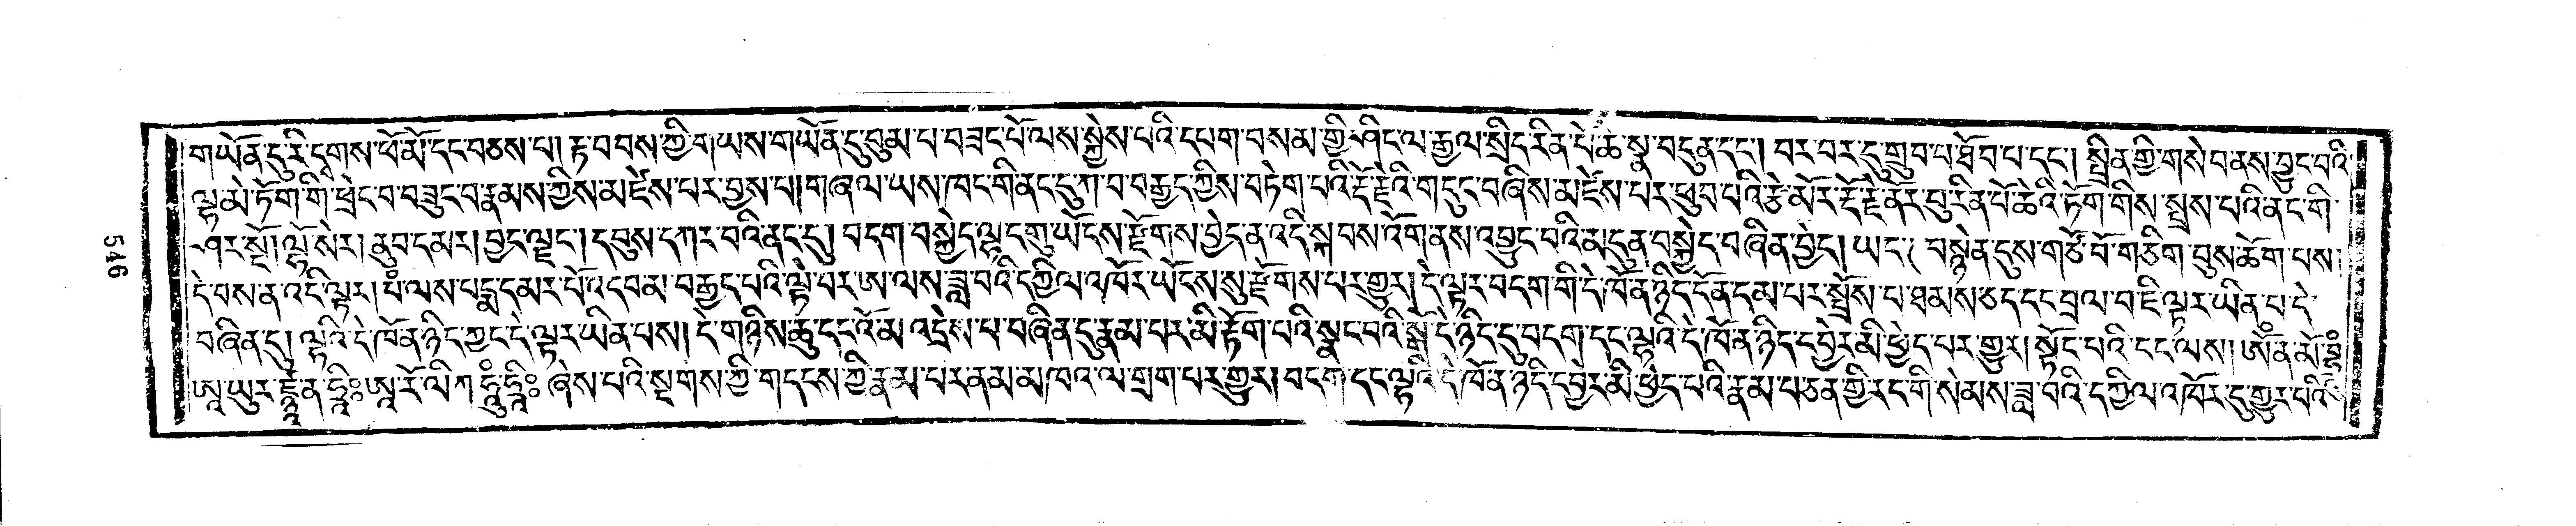གཡོན་དུ་རི་དྭགས་ཕོ་མོ་དང་བཅས་པ། རྟ་བབས་ཀྱི་གཡས་གཡོན་དུ་བུམ་པ་བཟང་པོ་ལས་སྐྱེས་པའི་དཔག་བསམ་གྱི་ཤིང་ལ་རྒྱལ་སྲིད་རིན་པོ་ཆེ་སྣ་བདུན་དང་། བར་བར་དུ་གྲུབ་པ་ཐོབ་པ་དང་། སྤྲིན་གྱི་གསེབ་ནས་བྱུང་བའི་
ལྷ་མེ་ཏོག་གི་ཕྲེང་བ་བཟུང་བ་རྣམས་ཀྱིས་མཛེས་པར་བྱས་པ། གཞལ་ཡས་ཁང་གི་ནང་དུ་ཀ་བ་བརྒྱད་ཀྱིས་བཏེག་པའི་རྡོ་རྗེའི་གདུང་བཞིས་མཛེས་པར་ཕུབ་པའི་རྩེ་མོར་རྡོ་རྗེ་ནོར་བུ་རིན་པོ་ཆེའི་ཏོག་གིས་སྤྲས་པའི་ནང་གི་
ཤར་སྔོ། ལྷོ་སེར། ནུབ་དམར། བྱང་ལྗང་། དབུས་དཀར་བའི་ནང་དུ། བདག་བསྐྱེད་ལྷ་དགུ་ཡོངས་རྫོགས་བྱེད་ན་འདི་སྐབས་འོག་ནས་འབྱུང་བའི་མདུན་བསྐྱེད་བཞིན་བྱེད། ཡང་། བསྙེན་དུས་གཙོ་བོ་གཅིག་བུས་ཆོག་པས།
དེ་བས་ན་འདི་ལྟར། པཾ་ལས་པདམ་དམར་པོ་འདབ་མ་བརྒྱད་པའི་ལྟེ་བར་ཨ་ལས་ཟླ་བའི་དཀྱིལ་འཁོར་ཡོངས་སུ་རྫོགས་པར་གྱུར། དེ་ལྟར་བདག་གི་དེ་ཁོ་ན་ཉིང་དོན་དམ་པར་སྤྲོས་པ་ཐམས་ཅད་དང་བྲལ་བ་ཇི་ལྟར་ཡིན་པ་དེ་
བཞིན་དུ། ལྷའི་དེ་ཁོ་ན་ཉིད་ཀྱང་དེ་ལྟར་ཡིན་པས། དེ་གཉིས་ཆུ་དང་འོ་མ་འདྲེས་པ་བཞིན་དུ་རྣམ་པར་མི་རྟོག་པའི་སྣང་བའི་སྒོ་དེ་ཉིད་དུ་བདག་དང་ལྷའི་དེ་ཁོ་ན་ཉིད་དབྱེར་མི་ཕྱེད་པར་གྱུར། སྟོང་པའི་ངང་ལས། ཨོཾ་ན་མོ་བྷྲཱུཾ་
ཨཱ་ཡུར་ཛྙཱ་ན་ཧྲཱིཿ ཨཱ་རོ་ལི་ཀ་ཧཱུཾ་ཧྲཱིཿ ཞེས་པའི་སྔགས་ཀྱི་གདངས་ཀྱི་རྣམ་པར་ནམ་མཁའ་ལ་གྲག་པར་གྱུར། བདག་དང་ལྷའི་དེ་ཁོ་ན་ཉིད་དབྱེར་མི་ཕྱེད་པའི་རྣམ་པ་ཅན་གྱི་རང་གི་སེམས་ཟླ་བའི་དཀྱིལ་འཁོར་དུ་གྱུར་པའི་